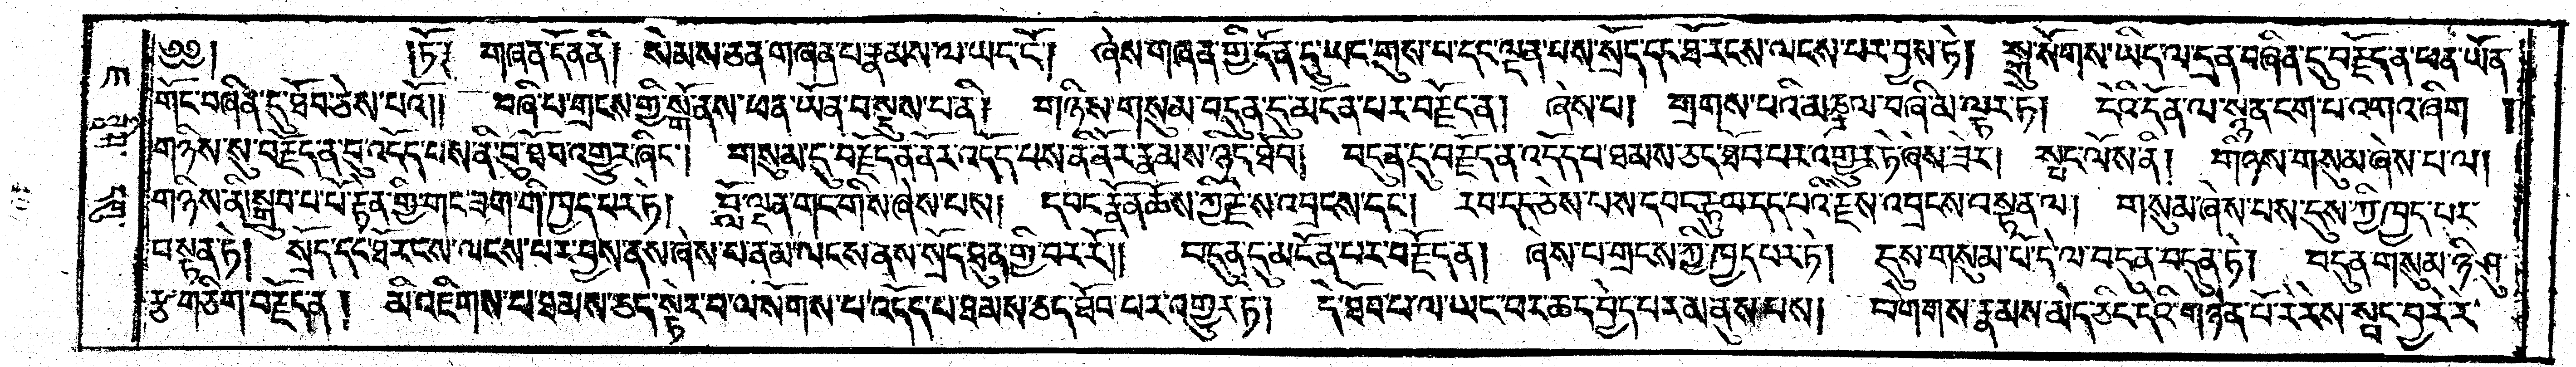༄༅། །ཏོ༑ གཞན་དོན་ནི། སེམས་ཅན་གཞན་པ་རྣམས་ལ་ཡང་ངོ། ཞེས་གཞན་གྱི་དོན་དུ་ཡང་གུས་པ་དང་ལྡན་པས་སྲོད་དང་ཐོ་རངས་ལངས་པར་བྱས་ཏེ། སྐུ་སོགས་ཡིད་ལ་དྲན་བཞིན་དུ་བརྗོད་ན་ཕན་ཡོན་
གོང་བཞིན་དུ་ཐོབ་ཅེས་པའོ།། བཞི་པ་གྲངས་གྱི་སྒོ་ནས་ཕན་ཡོན་བསྡུས་པ་ནི། གཉིས་གསུམ་བདུན་དུ་མངོན་པར་བརྗོད་ན། ཞེས་པ། གྲགས་པའི་མཎྜལ་བཞི་མ་ལྟར་ཏེ། དེའི་དོན་ལ་སྙན་ངག་པ་འགའ་ཞིག །
གཉིས་སུ་བརྗོད་ན་བུ་འདོད་པས་ནི་བུ་ཐོབ་འགྱུར་ཞིང་། གསུམ་དུ་བརྗོད་ན་ནོར་འདོད་པས་ནི་ནོར་རྣམས་ཉིད་ཐོབ། བདུན་དུ་བརྗོད་ན་འདོད་པ་ཐམས་ཅད་ཐོབ་པར་འགྱུར་ཏེ་ཞེས་ཟེར། སྤང་ལོས་ནི། གཉིས་གསུམ་ཞེས་པ་ལ།
གཉིས་ནི། སྒྲུབ་པ་པོ་རྟེན་གྱི་གང་ཟག་གི་ཁྱད་པར་ཏེ། བློ་ལྡན་གང་གིས་ཞེས་པས། དབང་རྣོན་ཆོས་ཀྱི་རྗེས་འབྲངས་དང་། རབ་དང་ཅེས་པས་དབང་རྟུལ་དད་པའི་རྗེས་འབྲངས་བསྟན་ལ། གསུམ་ཞེས་པས་དུས་ཀྱི་ཁྱད་པར་
བསྟན་ཏེ། སྲོད་དང་ཐོ་རངས་ལངས་པར་བྱས་ནས་ཞེས་པ་ནམ་ལངས་ནས་སྲོད་ཐུན་གྱི་བར་རོ།། བདུན་དུ་མངོན་པར་བརྗོད་ན། ཞེས་པ་གྲངས་ཀྱི་ཁྱད་པར་ཏེ། དུས་གསུམ་པོ་དེ་ལ་བདུན་བདུན་ཏེ། བདུན་གསུམ་ཉི་ཤུ་
རྩ་གཅིག་བརྗོད་ན། མི་འཇིགས་པ་ཐམས་ཅད་སྟེར་བ་ལ་སོགས་པ་འདོད་པ་ཐམས་ཅད་ཐོབ་པར་འགྱུར་ཏེ། དེ་ཐོབ་པ་ལ་ཡང་བར་ཆད་བྱེད་པར་མ་ནུས་པས། བགེགས་རྣམས་མེད་ཅིང་དེའི་གཉེན་པོ་རེ་རེས་སྦང་བྱ་རེ་རེ་